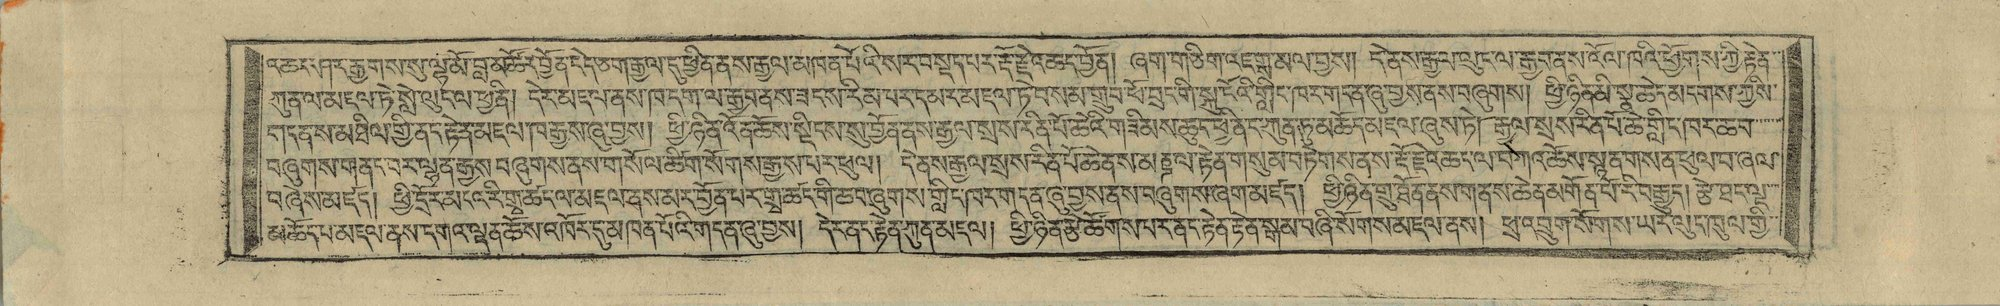འཆང་ཤར་རྒྱགས་སུ་ལྷ་མོ་བླ་མཚོར་བྱོན་ངེད་ཅག་རྒྱལ་དུ་ཕྱིན་ནས་རྒྱལ་མཁན་པོའི་སར་བསྡད་པར་རྡོ་རྗེ་འཆང་བྱོན། ཞག་གཅིག་འཇགས་མལ་བྱས། དེ་ནས་རྒྱལ་ལུང་ལ་རྒྱབ་ནས་འོལ་ཁའི་ཕྱོགས་ཀྱི་རྟེན་
ཀུན་ལ་མཇལ་ཏེ་སླེ་ལུང་ལ་ཕྱིན། དེར་མཇལ་ནས་ཁ་དག་ལ་རྒྱབ་ནས་ཟངས་རིམ་པར་དམར་མཇལ་ཏེ་བསམ་གྲུབ་ཕོ་བྲང་གི་སྐུ་ངོའི་གླིང་ཁར་གདན་ཞུ་བྱས་ནས་བཞུགས། ཕྱི་ཉིན་མི་སྣ་ཆེད་མངགས་ཀྱིས་
གདན་ས་མཐིལ་གྱི་ནང་རྟེན་མཇལ་ཁ་རྒྱས་ཞུ་བྱས། ཕྱི་ཉིན་འོ་ན་ཆོས་སྡིངས་སུ་བྱོན་ནས་རྒྱལ་སྲས་རིན་པོ་ཆེའི་གཟིམས་ཆུང་ཕྱི་ནང་ཀུན་ཏུ་མཆོད་མཇལ་ཞུས་ཏེ། རྒྱལ་སྲས་རིན་པོ་ཆེ་གླིང་ཁར་ཆབ་
བཞུགས་གནང་བར་ལྷན་རྒྱས་བཞུགས་ནས་གསོལ་ཚིག་སོགས་རྒྱས་པར་ཕུལ། དེ་ནས་རྒྱལ་སྲས་རིན་པོ་ཆེ་ནས་མཎྜལ་རྟེན་གསུམ་བཏེགས་ནས་རྡོ་རྗེ་འཆང་ལ་བཀའ་ཆོས་སྙན་གསན་ཕུལ་བ་ཞལ་
བཞེས་མཛད། ཕྱི་དྲོར་མངའ་རི་གྲྭ་ཚང་ལ་མཇལ་ནས་མར་བྱོན་པར་གྲྭ་ཚང་གི་ཆབ་ཞུགས་གླིང་ཁར་གདན་ཞུ་བྱས་ནས་བཞུགས་ཞག་མཛད། ཕྱི་ཉིན་གྲུ་ཐོན་ནས་གནས་ཆེན་མགོན་པོ་རི་བརྒྱུད། རྩེ་ཐང་ལྔ་
མཆོད་པ་མཇལ་ནས་དགའ་ལྡན་ཆོས་འཁོར་དུ་མཁན་པོའི་གདན་ཞུ་བྱས། དེར་ནང་རྟེན་ཀུན་མཇལ། ཕྱི་ཉིན་རྩེ་ཚོགས་པར་ནང་རྟེན་རྟེན་སྒམ་བཞི་སོགས་མཇལ་ནས། ཕྲ་འབྲུག་སོགས་ཡར་ལུང་ཁུལ་གྱི་